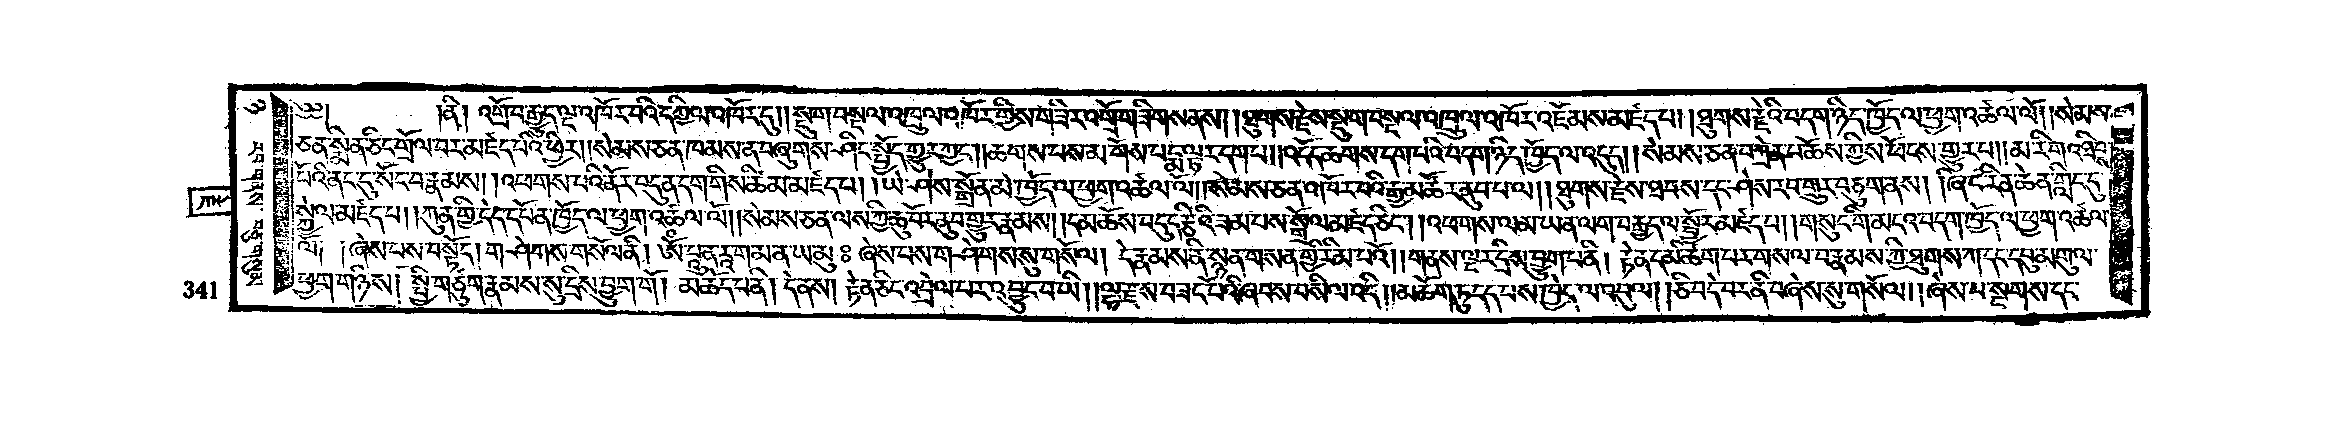༄༅། །ནི། འགྲོ་བ་རྒྱུད་ལྔ་འཁོར་བའི་དཀྱིལ་འཁོར་དུ། །སྡུག་བསྔལ་འཁྲུལ་འཁོར་གྱིས་གཟིར་འགྲོ་གཟིགས་ནས། །ཐུགས་རྗེས་སྡུག་བསྔལ་འཁྲུལ་འཁོར་འཇོམས་མཛད་པ། །ཐུགས་རྗེའི་བདག་ཉིད་ཁྱོད་ལ་ཕྱག་འཚལ་ལོ། །སེམས་
ཅན་སྨིན་ཅིང་གྲོལ་བར་མཛད་པའི་ཕྱིར། །སེམས་ཅན་ཁམས་ན་བཞུགས་ཤིང་སྤྱོད་གྱུར་ཀྱང་། །ཆགས་པས་མ་གོས་པདམ་ལྟར་དག་པ། །འདོད་ཆགས་དག་པའི་བདག་ཉིད་ཁྱོད་ལ་འདུད། །སེམས་ཅན་བཀྲེན་པ་ཆོས་ཀྱིས་ཕོངས་གྱུར་པ། །མ་རིག་འཐིབས་
པོའི་ནང་དུ་སོང་བ་རྣམས། །འཕགས་པའི་ནོར་བདུན་དག་གིས་ཚིམ་མཛད་པ། །ཡེ་ཤེས་སྒྲོན་མེ་ཁྱོད་ལ་ཕྱག་འཚལ་ལོ། །སེམས་ཅན་འཁོར་བའི་རྒྱ་མཚོར་ནུབ་པ་ལ། །ཐུགས་རྗེས་ཐབས་དང་ཤེས་རབ་གྲུར་བཅུག་ནས། །ཞི་བ་རིན་ཆེན་གླིང་དུ་
སྐྱེལ་མཛད་པ། །ཀུན་གྱི་དེད་དཔོན་ཁྱོད་ལ་ཕྱག་འཚལ་ལོ། །སེམས་ཅན་ལས་ཀྱི་ཆུ་བོར་ནུབ་གྱུར་རྣམས། །དམ་ཆོས་བདུད་རྩིའི་ཟམ་པས་སྒྲོལ་མཛད་ཅིང་། །འཕགས་ལམ་ཡན་ལག་བརྒྱད་ལ་སྦྱོར་མཛད་པ། །གསུང་གི་མངའ་བདག་ཁྱོད་ལ་ཕྱག་འཚལ་
ལོ། །ཞེས་པས་བསྟོད། གཤེགས་གསོལ་ནི། ཨོཾ་པཱུ་ན་རཱ་ག་མ་ན་ཡ་མུཿ ཞེས་པས་གཤེགས་སུ་གསོལ། དེ་རྣམས་ནི་སྙན་གསན་གྱི་རིམ་པའོ། །གནས་ལྔར་དྲིས་བྱུག་པ་ནི། རྟེན་དམ་ཚིག་པར་གསལ་བ་རྣམས་ཀྱི་ཐུགས་ཀ་དང་དབུ་མགུལ་
ཕྱག་གཉིས། སྤྱི་གཙུག་རྣམས་སུ་དྲིས་བྱུག་གོ །མཆོད་པ་ནི། དེ་ནས། རྟེན་ཅིང་འབྲེལ་པར་འབྱུང་བ་ཡི། །ལྷ་རྫས་བཟང་པོའི་ཞབས་བསིལ་འདི། །མཆོག་ཏུ་དད་པས་ཁྱེད་ལ་འབུལ། །ཅི་བདེ་བར་ནི་བཞེས་སུ་གསོལ། །ཞེས་པ་སྔགས་དང་